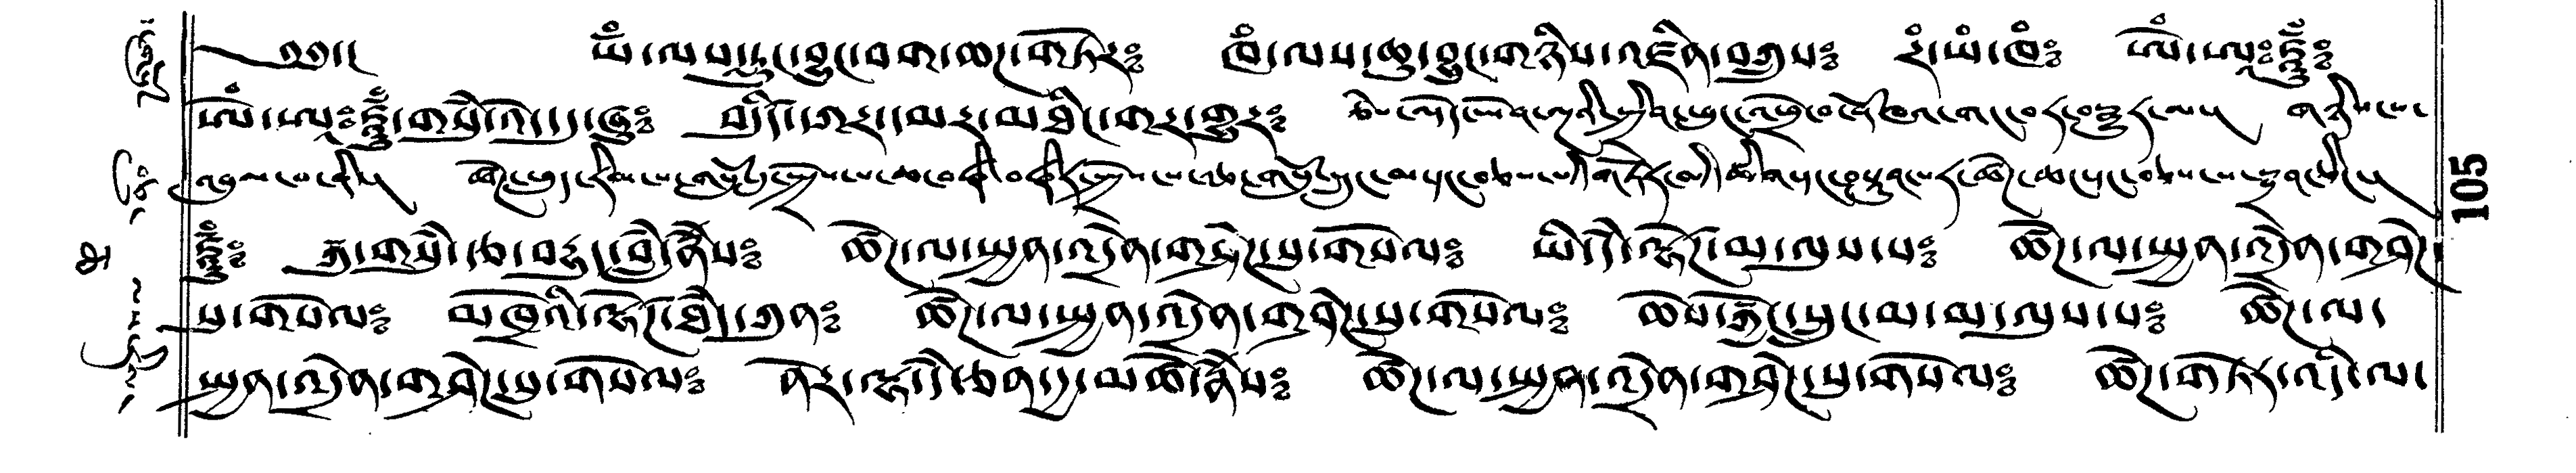ཡྃ་ལས་རླུང་བྱུང་བག་ཆགས་གཏོར༔ ཁྃ་ལས་ཆུ་བྱུང་གཉིས་འཛིན་བཀྲུས༔ རྃ་ཡྃ་ཁྃ༔ ཨོཾ་ཨཱཿཧཱུྃ༔ 
ཨོཾ་ཨཱཿཧཱུྃ་གསུམ་འོད་དུ་ཞུ༔ བདུད་རྩི་དཀར་དམར་མཐིང་གར་གྱུར༔ ཅེས་འདོད་ཡོན་ལྔའི་སྤྲིན་ཕུང་འཕྲོ་བ་ནམ་མཁའ་གང་བར་བསྒྱུར་ལ། གཉིས་པ་
འབུལ་བ་ནི། ཚོགས་ཕུད་རིམ་པ་གསུམ་དུ་སྤྲོས་པ་ཆ་བཞི་བཞིར་སྤྲོས་པ་རྩ་གསུམ་སྲུང་མ་དང་བཅས་པའི་གཏོར་མའི་ཚིག་དང་བསྟུན་པར་ཚོགས་ཆང་དང་བཅས་བྲན་ཅིང་། 
ཧཱུྃ༔ སྐུ་གསུམ་རྩ་བརྒྱུད་བླ་མ་རྣམས༔ ཚོགས་ལ་སྤྱན་འདྲེན་གཤེགས་སུ་གསོལ༔ ཡི་དམ་ལྷ་ཚོགས་མ་ལུས་པ༔ ཚོགས་ལ་སྤྱན་འདྲེན་གཤེགས་
སུ་གསོལ༔ མཁའ་འགྲོའི་ལྷ་ཚོགས་ཐམས་ཅད་ཀུན༔ ཚོགས་ལ་སྤྱན་འདྲེན་གཤེགས་སུ་གསོལ༔ ཆོས་སྐྱོང་སྲུང་མ་མ་ལུས་པ༔ ཚོགས་ལ་
སྤྱན་འདྲེན་གཤེགས་སུ་གསོལ༔ ནོར་ལྷ་དམ་ཅན་རྒྱ་མཚོ་རྣམས༔ ཚོགས་ལ་སྤྱན་འདྲེན་གཤེགས་སུ་གསོལ༔ ཚོགས་གཏོར་འདི་ལ་